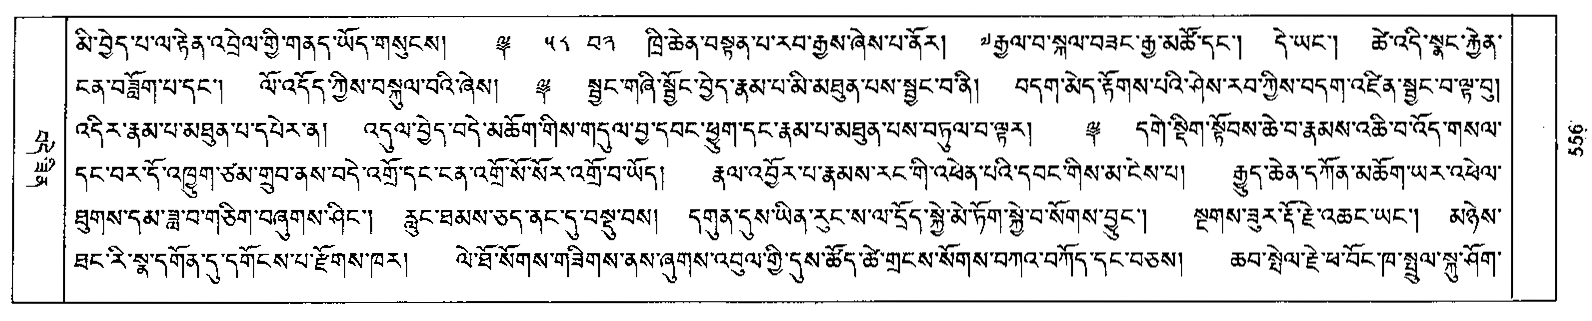མི་བྱེད་པ་ལ་རྟེན་འབྲེལ་གྱི་གནད་ཡོད་གསུངས། ༈ ༥༨་བ ༢་ཁྲི་ཆེན་བསྟན་པ་རབ་རྒྱས་ཞེས་པ་ནོར། ༧་རྒྱལ་བ་སྐལ་བཟང་རྒྱ་མཚོ་དང་། དེ་ཡང་། ཚེ་འདི་སྣང་རྐྱེན་
ངན་བཟློག་པ་དང་། ལོ་འདོད་ཀྱིས་བསྐུལ་བའི་ཞེས། ༈ སྦྱང་གཞི་སྦྱོང་བྱེད་རྣམ་པ་མི་མཐུན་པས་སྦྱང་བ་ནི། བདག་མེད་རྟོགས་པའི་ཤེས་རབ་ཀྱིས་བདག་འཛིན་སྦྱང་བ་ལྟ་བུ།
འདིར་རྣམ་པ་མཐུན་པ་དཔེར་ན། འདུལ་བྱེད་བདེ་མཆོག་གིས་གདུལ་བྱ་དབང་ཕྱུག་དང་རྣམ་པ་མཐུན་པས་བཏུལ་བ་ལྟར། ༈ དགེ་སྡིག་སྟོབས་ཆེ་བ་རྣམས་འཆི་བ་འོད་གསལ་
དང་བར་དོ་འཁྱུག་ཙམ་གྲུབ་ནས་བདེ་འགྲོ་དང་ངན་འགྲོ་སོ་སོར་འགྲོ་བ་ཡོད། རྣལ་འབྱོར་པ་རྣམས་རང་གི་འཕེན་པའི་དབང་གིས་མ་ངེས་པ། རྒྱུད་ཆེན་དཀོན་མཆོག་ཡར་འཕེལ་
ཐུགས་དམ་ཟླ་བ་གཅིག་བཞུགས་ཤིང་། རླུང་ཐམས་ཅད་ནང་དུ་བསྡུ་བས། དགུན་དུས་ཡིན་རུང་ས་ལ་དྲོད་སྐྱེ་མེ་ཏོག་སྐྱེ་བ་སོགས་བྱུང་། སྔགས་ཟུར་རྡོ་རྗེ་འཆང་ཡང་། མཉེས་
ཐང་རི་སྣ་དགོན་དུ་དགོངས་པ་རྫོགས་ཁར། ལེ་ཐོ་སོགས་གཟིགས་ནས་ཞུགས་འབུལ་གྱི་དུས་ཚོད་ཚེ་གྲངས་སོགས་བཀའ་བཀོད་དང་བཅས། ཆབ་སྤེལ་རྗེ་ཕ་བོང་ཁ་སྤྲུལ་སྐུ་ཤོག་